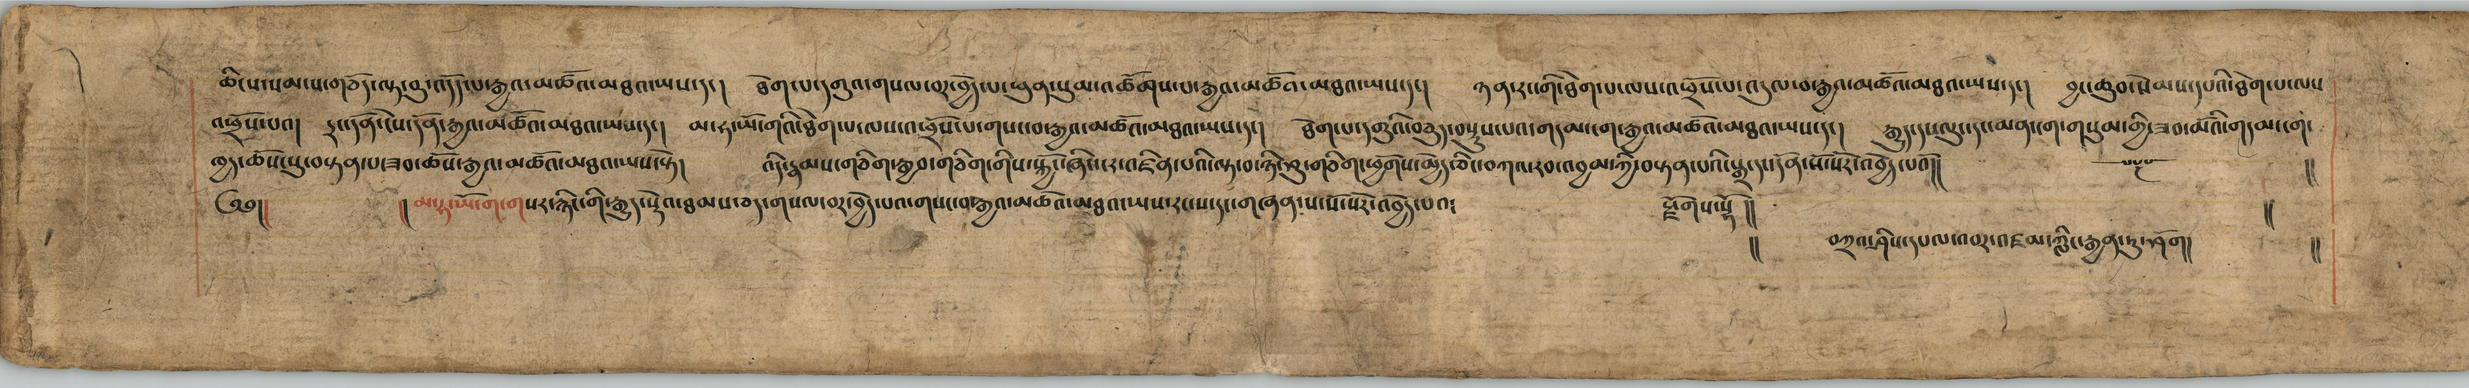ཆིངས་སམ་ས་གཅོད་ལྟ་བུ་འདོད་པ་རྒྱའ་མཚོའ་མཐའ་ཡས་དང། ཐེག་པ་དགུའ་གསལ་བར་བྱེད་པ་ཕུན་སུམ་འཚོགས་པ་རྒྱའ་མཚོའ་མཐའ་ཡས་དང། ཉན་རང་གི་ཐེག་པ་ལས་འཕྲོས་པ་འདུལ་བ་རྒྱའ་མཚོའ་མཐའ་ཡས་དང། བྱང་ཆུབ་སེམས་དཔའི་ཐེག་པ་ལས
འཕྲོས་པའ། དྲང་དོན་ངེས་དོན་རྒྱའ་མཚོའ་མཐའ་ཡས་དང། མ་ཧ་ཡོ་གའི་ཐེག་པ་ལས་འཕྲོས་པ་གསང་བ་རྒྱ་མཚོའ་མཐའ་ཡས་དང། ཐེག་པ་དགུའི་བཅུད་བསྡུས་པཔའ་གདམ་ངག་རྒྱའ་མཚོའ་མཐའ་ཡས་དང། རྒྱུད་དང་ལུང་དང་མན་ངག་གསུམ་གྱི་ཟབ་མོའི་གདམ་ངག་
ཁྱད་ཆོས་སུ་བསྟན་པ་ཟབ་ཆོས་རྒྱའ་མཚོའ་མཐའ་ཡས་སྟེ། འདི་རྣམས་གཅིག་རྒྱབ་གཅིག་གིས་སྐྱོང་ཞིང་ངར་འཛིན་པའི་ལྟ་བ་ཉི་ཤུ་གཅིག་ཕྱོགས་མྱེད་ཅིང་བཀའ་རབ་འབྱམ་ཀྱི་བསྟན་པའི་སྒྲ་དང་དོན་སོ་སོར་འབྱེད་པའོ།།
༄༅།། །།མ་ཧ་ཡོ་ག་གསར་རྙིང་གི་རྒྱུད་སྡེའ་ཐམས་ཅད་གསལ་བར་བྱེད་པའ་གསང་བ་རྒྱའ་མཚོའ་མཐའ་ཡས་རང་ས་དང་གཞན་སོ་སོར་འབྱེད་པའ༴ སྫོགས་སྷོ།།
བཀྲའ་ཤིས་དཔལ་འབར་འཛམ་ཀླིང་རྒྱན་ཏུ་ཤོག།